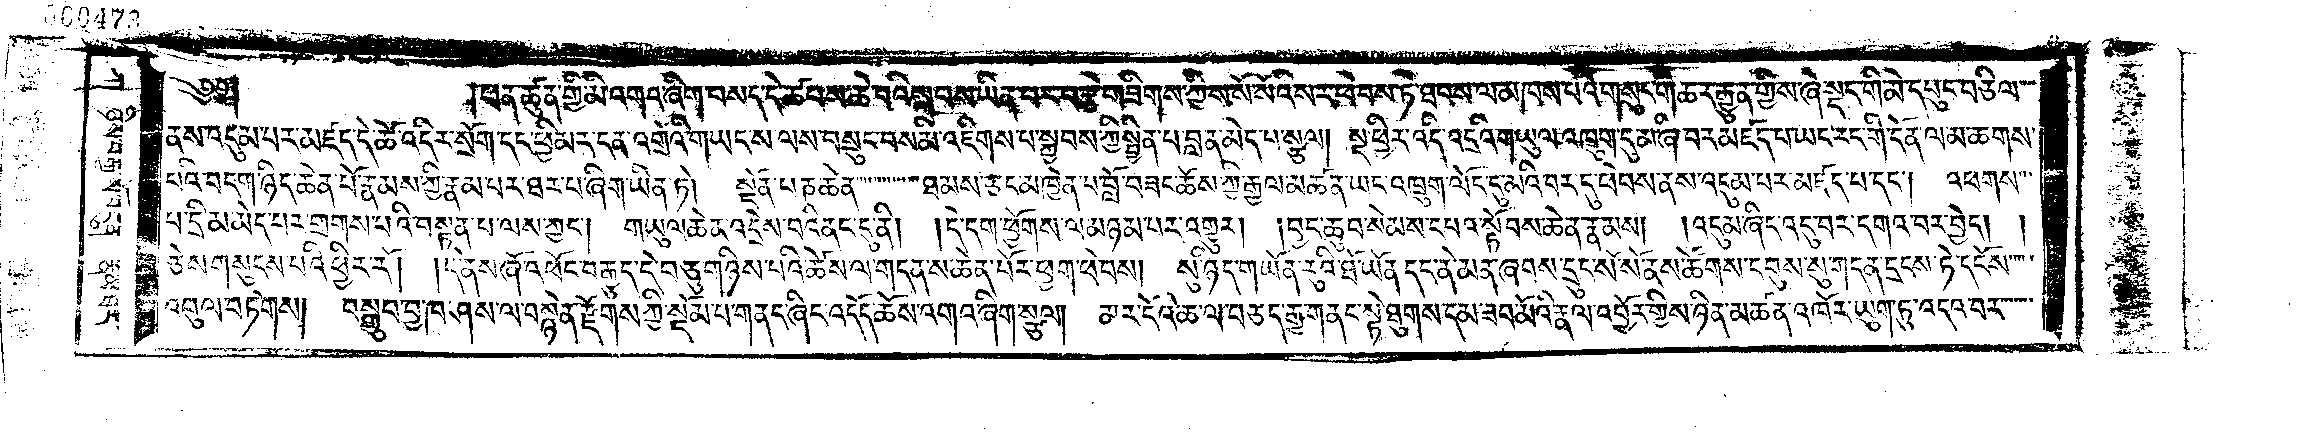༄༅། །ཕན་ཚུན་གྱི་མི་འགའ་ཞིག་བསད་དེ་ཚབས་ཆེ་བའི་སྐབས་ཡིན་པར་བརྩེ་གཟིགས་ཀྱིས་སོ་སོའི་སར་ཕེབས་ཏེ་ཐབས་ལ་མཁས་པའི་གསུང་གི་ཆར་རྒྱུན་གྱིས་ཞེ་སྡང་གི་མེ་དཔུང་བཅིལ་
ནས་འདུམ་པར་མཛད་དེ་ཚེ་འདིར་སྲོག་དང་ཕྱི་མར་ངན་འགྲོའི་གཡང་ས་ལས་བསྲུང་བས་མི་འཇིགས་པ་སྐྱབས་ཀྱི་སྦྱིན་པ་བླ་ན་མེད་པ་སྩལ། སྔ་ཕྱིར་འདི་འདྲའི་གཡུལ་འཁྲུག་དུ་མ་ཞི་བར་མཛད་པ་ཡང་རང་གི་དོན་ལ་མ་ཆགས་
པའི་བདག་ཉིད་ཆེན་པོ་རྣམས་ཀྱི་རྣམ་པར་ཐར་པ་ཞིག་ཡིན་ཏེ། སྔོན་པཎ་ཆེན་ཐམས་ཅད་མཁྱེན་པ་བློ་བཟང་ཆོས་ཀྱི་རྒྱལ་མཚན་ཡང་འཁྲུག་ལོང་དུ་མའི་བར་དུ་ཕེབས་ནས་འདུམ་པར་མཛད་པ་དང་། འཕགས་
པ་དྲི་མ་མེད་པར་གྲགས་པའི་བསྟན་པ་ལས་ཀྱང་། གཡུལ་ཆེན་འདྲེས་པའི་ནང་དུ་ནི། །དེ་དག་ཕྱོགས་ལ་མཉམ་པར་འགྱུར། །བྱང་ཆུབ་སེམས་དཔའ་སྟོབས་ཆེན་རྣམས། །འདུམ་ཞིང་འདུ་བར་དགའ་བར་བྱེད། །
ཅེས་གསུངས་པའི་ཕྱིར་རོ། །དེ་ནས་ཞོ་འཕོང་བརྒྱུད་དེ་བཅུ་གཉིས་པའི་ཚེས་ལ་གདན་ས་ཆེན་པོར་ཕྱག་ཕེབས། སུ་ཉིད་གཡོན་རུའི་ཐོ་ཡོན་དང་ནེ་མན་ཞབས་དྲུང་སོ་སོ་ནས་ཚོགས་དབུས་སུ་གདན་དྲངས་ཏེ་དངོས་
འབུལ་བཏེགས། བསྒྲུབ་བྱ་ཁ་ཤས་ལ་བསྙེན་རྫོགས་ཀྱི་སྡོམ་པ་གནང་ཞིང་འདོད་ཆོས་འགའ་ཞིག་སྩལ། མར་ངོའི་ཆ་ལ་བཅད་རྒྱ་གནང་སྟེ་ཐུགས་དམ་ཟབ་མོའི་རྣལ་འབྱོར་གྱིས་ཉིན་མཚན་འཁོར་ཡུག་ཏུ་འདའ་བར་